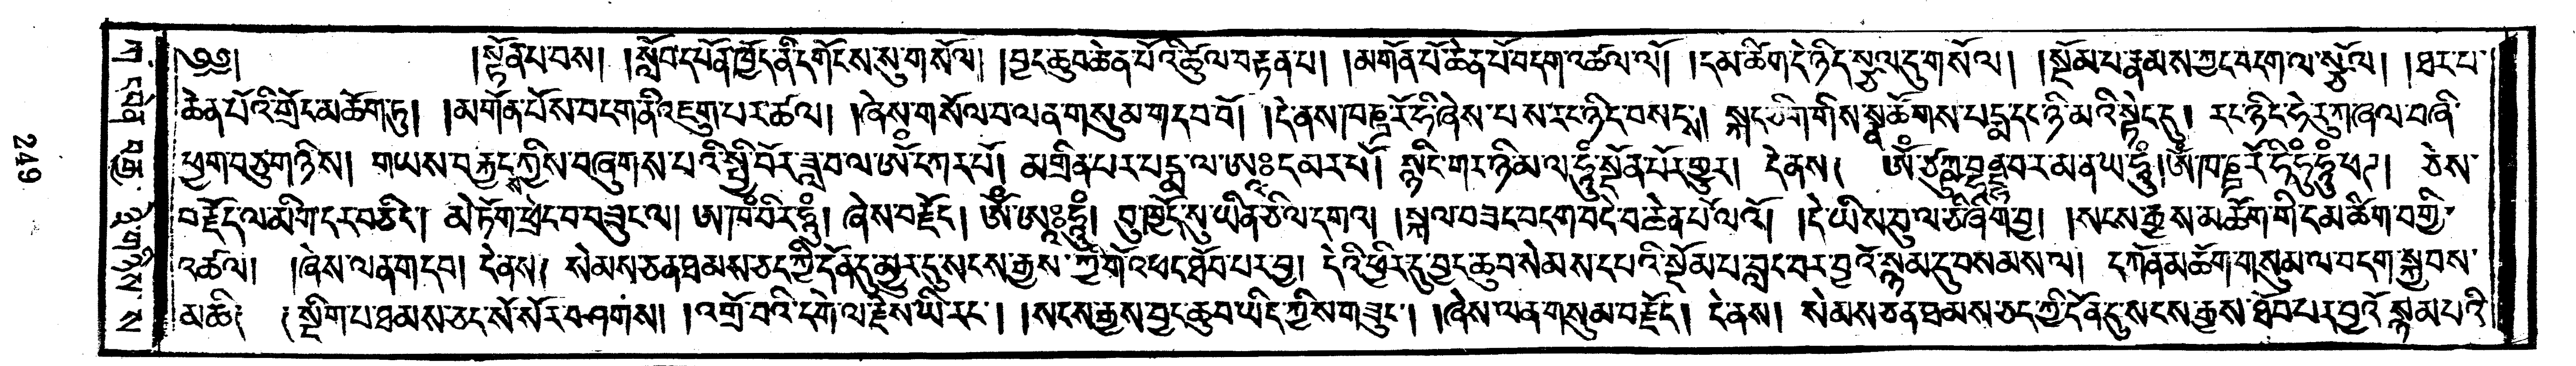༄༅། །སྟོན་པ་བས། །སློབ་དཔོན་ཁྱོད་ནི་དགོངས་སུ་གསོལ། །བྱང་ཆུབ་ཆེན་པོའི་ཚུལ་བརྟན་པ། །མགོན་པོ་ཆེན་པོ་བདག་འཚལ་ལོ། །དམ་ཚིག་དེ་ཉིད་སྩལ་དུ་གསོལ། །སྔོམ་པ་རྣམས་ཀྱང་བདག་ལ་སྩོལ། །ཐར་པ་
ཆེན་པོའི་གྲོང་མཆོག་ཏུ། །མགོན་པོས་བདག་ནི་འཇུག་པར་ཚལ། །ཞེས་གསོལ་བ་ལན་གསུམ་གདབ་བོ། །དེ་ནས་ཁཎྜ་རོ་ཧི་ཞེས་པས་རང་ཉིད་བསངས། སྐད་ཅིག་གིས་སྣ་ཚོགས་པདམ་དང་ཉི་མའི་སྟེང་དུ། རང་ཉིད་ཧེ་རུ་ཀ་ཞལ་བཞི་
ཕྱག་བཅུ་གཉིས། གཡས་བརྐྱངས་ཀྱིས་བཞུགས་པའི་སྤྱི་བོར་ཟླ་བ་ལ་ཨོཾ་དཀར་པོ། མགྲིན་པར་པདམ་ལ་ཨཱཿ དམར་པོ། སྙིང་གར་ཉི་མ་ལ་ཧཱུཾ་སྔོན་པོར་གྱུར། དེ་ནས༑ ཨོཾ་ཙཀྵུ་བྷཱནྡྷ་བ་ར་མ་ན་ཡ་ཧཱུཾ། ཨོཾ་ཁཎྜ་རོ་ཧི་ཧུཾ་ཧཱུཾ་ཕཊ། ཅེས་
བརྗོད་ལ་མིག་དར་བཅིང་། མེ་ཏོག་ཕྲེང་བ་བཟུང་ལ། ཨ་ཁཾ་བིར་ཧཱུཾ། ཞེས་བརྗོད། ཨོཾ་ཨཱཿ ཧཱུཾ། བུ་ཁྱོད་སུ་ཡིན་ཅི་ལ་དགའ། །སྐལ་བཟང་བདག་བདེ་བ་ཆེན་པོ་ལའོ། །དེ་ཡིས་བུ་ལ་ཅི་ཞིག་བྱ། །སངས་རྒྱས་མཆོག་གི་དམ་ཚིག་བགྱི་
འཚལ། །ཞེས་ལན་གདབ། དེ་ནས། སེམས་ཅན་ཐམས་ཅད་ཀྱི་དོན་དུ་མྱུར་དུ་སངས་རྒྱས་ཀྱི་གོ་འཕང་ཐོབ་པར་བྱ། དེའི་ཕྱིར་དུ་བྱང་ཆུབ་སེམས་དཔའི་སྡོམ་པ་བླང་བར་བྱའོ་སྙམ་དུ་བསམས་ལ། དཀོན་མཆོག་གསུམ་ལ་བདག་སྐྱབས་
མཆི༑ ༑སྡིག་པ་ཐམས་ཅད་སོ་སོར་བཤགས། །འགྲོ་བའི་དགེ་ལ་རྗེས་ཡི་རང་། །སངས་རྒྱས་བྱང་ཆུབ་ཡིད་ཀྱིས་གཟུང་། །ཞེས་ལན་གསུམ་བརྗོད། དེ་ནས། སེམས་ཅན་ཐམས་ཅད་ཀྱི་དོན་དུ་སངས་རྒྱས་ཐོབ་པར་བྱའོ་སྙམ་པའི་